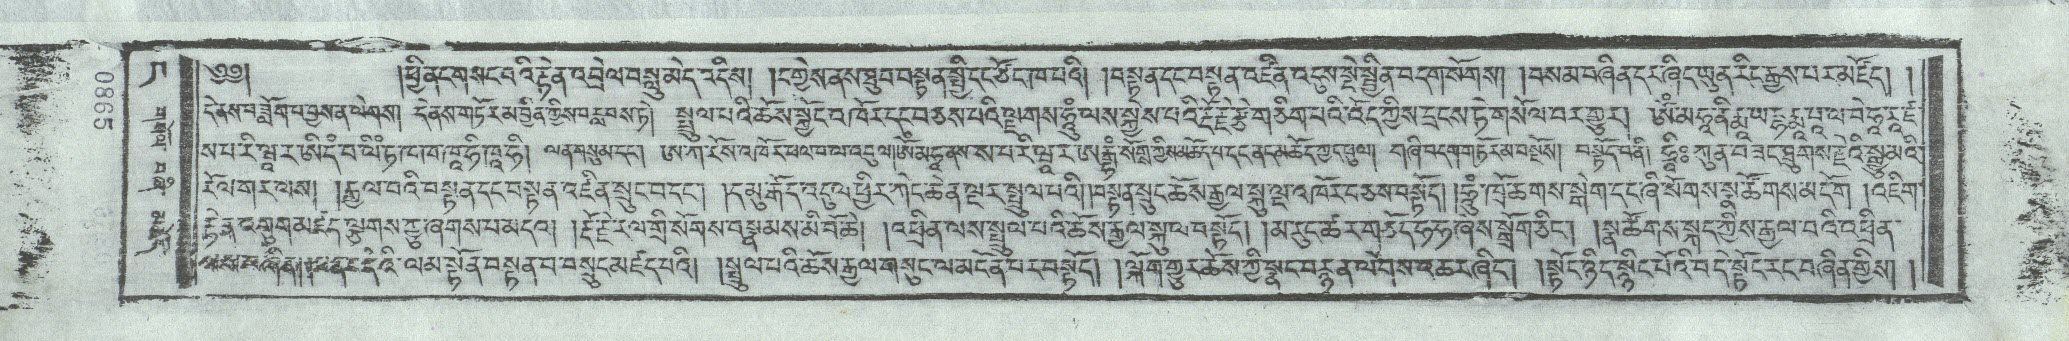༄༅། །ཕྱི་ནང་གསང་བའི་རྟེན་འབྲེལ་བསླུ་མེད་འདིས། །དགྱེས་ནས་ཐུབ་བསྟན་སྤྱི་དང་ཙོང་ཁ་པའི། །བསྟན་དང་བསྟན་འཛིན་འདུས་སྡེ་སྦྱིན་བདག་སོགས། །བསམ་བཞིན་དར་ཞིང་ཡུན་རིང་རྒྱས་པར་མཛོད། །
དེ་ནས་བཟློག་པ་བྱས་ན་ལེགས། དེ་ནས་གཏོར་མ་བྱིན་གྱིས་བརླབས་ཏེ། སྤྲུལ་པའི་ཆོས་སྐྱོང་འཁོར་དང་བཅས་པའི་ལྗགས་ཧཱུཾ་ལས་སྐྱེས་པའི་རྡོ་རྗེ་རྩེ་གཅིག་པའི་འོད་ཀྱིས་དྲངས་ཏེ་གསོལ་བར་གྱུར། ཨོཾ་མ་ཧཱ་ནི་རྨཱ་ཡ་དྷ་རྨཱ་པཱ་ལ་བེ་ཧཱ་རཱ་ཛ་
ས་པ་རི་ཝཱ་ར་ཨི་དཾ་བ་ལིཾ་ཏ་ཁ་ཁ་ཁཱ་ཧི་ཁཱ་ཧི། ལན་གསུམ་དང་། ཨ་ཀ་རོས་འཁོར་ཕལ་བ་ལ་འབུལ། ཨོཾ་མ་ཧཱ་ནས་ས་པ་རི་ཝཱ་ར་ཨ་རྒྷཾ་སོགས་ཀྱིས་མཆོད་པ་དང་ནད་མཆོད་ཀྱང་པུལ། གཞི་བདག་གཏོར་མ་བསྡོས། བསྟོད་བ་ནི། ཧྲཱིཿ ཀུན་བཟང་ཐུགས་རྗེའི་སྒྱུ་མའི་
རོལ་གར་ལས། །རྒྱལ་བའི་བསྟན་དང་བསྟན་འཛིན་སྲུང་བ་དང་། །དམུ་རྒོད་འདུལ་ཕྱིར་ཀེང་ཆེན་ལྔར་སྤྲུལ་པའི། །བསྟན་སྲུང་ཆོས་རྒྱལ་སྐུ་ལྔ་འཁོར་བཅས་བསྟོད། །ཧཱུཾ་ཁྲོ་ཆགས་སྒེག་དང་ཞི་སོགས་སྣ་ཚོགས་མདོག །འཇིག་
རྟེན་འགུག་མཛད་ལྕགས་ཀྱུ་ཞགས་པ་མདའ། །རྡོ་རྗེ་རལ་གྲི་སོགས་བསྣམས་མི་བོ་ཆེ། །འཕྲིན་ལས་སྤྲུལ་པའི་ཆོས་རྒྱལ་སྐུ་ལ་བསྟོད། །མ་རུང་ཚར་གཅོད་ཧ་ཧ་ཞེས་སྒྲོག་ཅིང་། །སྣ་ཚོགས་སྐད་ཀྱིས་རྒྱལ་བའི་འཕྲིན་
ལས་བཞིན། །ཕན་བདེའི་ལམ་སྟོན་བསྟན་པ་བསྲུང་མཛད་པའི། །སྤྲུལ་བའི་ཆོས་རྒྱལ་གསུང་ལ་མངོན་པར་བསྟོད། །ལྐོག་གྱུར་ཆོས་ཀྱི་སྣང་བརྙན་ལེགས་འཆར་ཞིང་། །སྟོང་ཉིད་སྙིང་པོའི་བདེ་སྟོང་རང་བཞིན་གྱིས། །